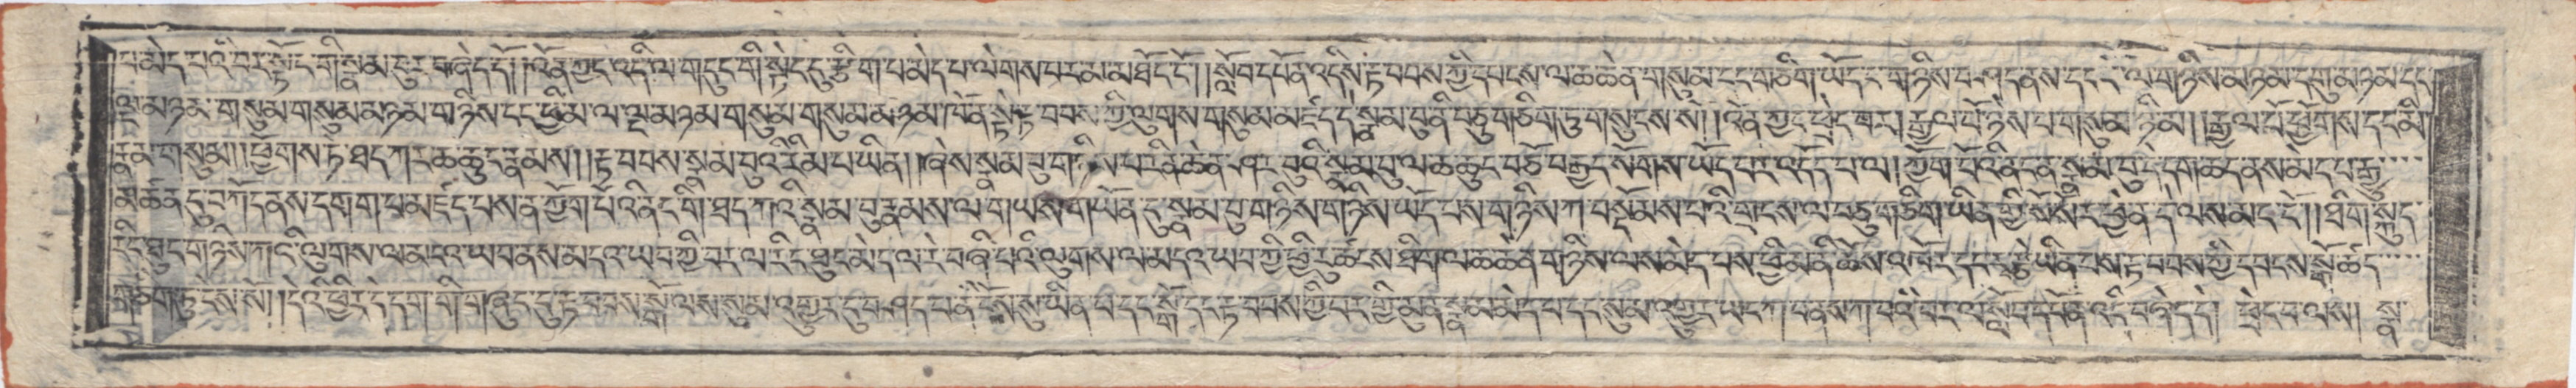པ་མེད་པའི་བར་སྟོང་གི་སྣམ་བུར་བཞེད་དོ། །འོན་ཀྱང་འདི་ལ་གདུང་གི་སྟེང་དུ་རྩིག་པ་མེད་པ་ལེགས་པར་མ་མཐོང་ངོ། །སློབ་དཔོན་འདིས་རྟ་བབས་ཀྱི་དཔངས་ལ་ཆ་ཆེན་གསུམ་དང་གཅིག་ཡོད་པ་གཉིས་བཤད་ནས་དང་པོ་ལ་གཉིས་མཉམ་དགུ་མཉམ་དང་
ལྔ་མཉམ་གསུམ་གསུམ་མཉམ་གཉིས་དང་ཕྱི་མ་ལ་ལྔ་མཉམ་གསུམ་གསུམ་མཉམ་ཁོ་ན་སྟེ་རྟ་བབས་ཀྱི་ལུགས་གསུམ་མཛད་དེ་སྣམ་བུ་ནི་བཅུ་གཅིག་ཏུ་གསུངས་སོ། །འོན་ཀྱང་ཕྲེང་བར། རྒྱལ་པོ་ཉེས་པ་གསུམ་ཉི་མ། །རྒྱལ་པོ་ཕྱོགས་དང་མི་
རྣམ་གསུམ། །ཕྱོགས་ཏེ་ཐད་ཀར་ཆ་ཆུང་རྣམས། །རྟ་བབས་སྣམ་བུའི་རིམ་པ་ཡིན། །ཞེས་སྣམ་བུ་གཉིས་པ་རིན་ཆེན་ཤར་བུའི་སྣམ་བུ་ལ་ཆ་ཆུང་བཅོ་བརྒྱད་སོགས་ཡོད་པར་འདོད་པ་ལ། ཀྱོག་པོའི་ནང་ན་སྣམ་བུ་དེ་དག་ཆད་ནས་མེད་པ་རྒྱུ་
མཚན་དུ་བཀོད་ནས་དགག་པ་མཛད་པས་ན་ཀྱོག་པོའི་ནང་གི་ཐད་ཀའི་སྣམ་བུ་རྣམས་ལ་གཡས་གཡོན་དུ་སྣམ་བུ་གཉིས་གཉིས་ཡོད་པས་གཉིས་ཀ་བསྡོམས་པའི་གྲངས་ལ་བཅུ་གཅིག་ཡིན་གྱི་སོ་སོར་ཕྱེ་ན་དེ་ལས་མང་ངོ། །ཐིག་སྐུད་
རིང་ཐུང་གཉིས་ཀའི་ལུགས་ལ་མངའ་ཡབ་ནས་མདའ་ཡབ་ཀྱི་བར་ལ་རིང་ཐུང་མེད་ལ་རེ་བཞི་པའི་ལུགས་ལ་མདའ་ཡབ་ཀྱི་ཕྱི་རུ་ཚངས་ཐིག་ལ་ཆ་ཆེན་གཉིས་ལས་མེད་པས་ཕྱི་མ་ནི་ཆོས་འཁོར་དང་རྭ་རྩེ་ཡིན་པས་རྟ་བབས་ཀྱི་དབངས་སྒོ་ཚད་
གཅིག་ཏུ་ངེས་སོ། །དེའི་ཕྱིར་དེ་དག་གི་གཞུང་དུ་རྟ་བབས་སྒོ་ལས་སུམ་འགྱུར་དུ་བཤད་པ་ནི་ངོས་སུ་ཡིན་པ་དང་སྒོ་དང་རྟ་བབས་ཀྱི་བར་གྱི་མུན་སྣམ་མེད་པ་དང་སུམ་འགྱུར་ཡང་ཀ་བ་ནས་ཀ་བའི་བར་ལ་སློབ་དཔོན་འདི་བཞེད་དེ། ཕྲེང་བ་ལས། སྣ་